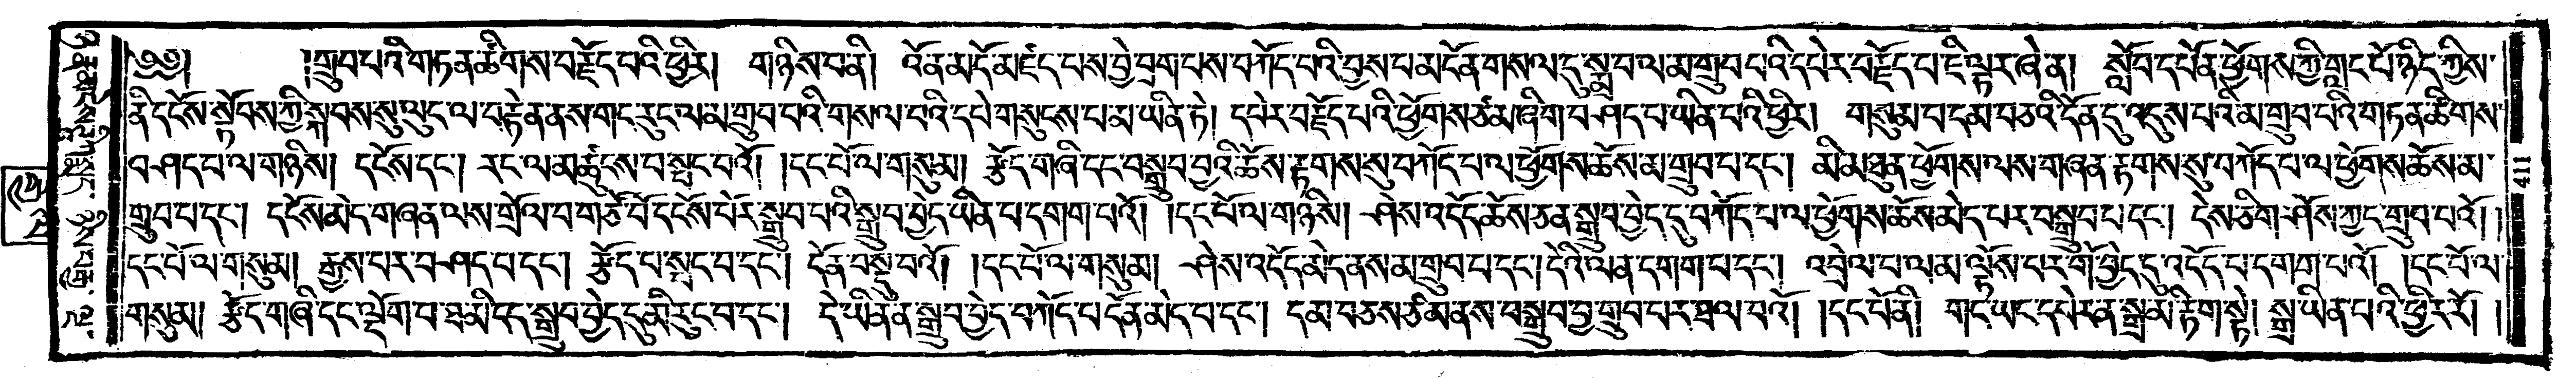༄༅། །གྲུབ་པའི་གཏན་ཚིགས་བརྗོད་བའི་ཕྱིར། གཉིས་བ་ནི། འོ་ན་མདོ་མཛད་པས་བྱེ་བྲག་པས་བཀོད་པའི་བྱས་པ་མངོན་གསལ་དུ་སྨྲ་བ་ལ་མ་གྲུབ་པའི་དཔེར་བརྗོད་པ་ཇི་ལྟར་ཞེ་ན། སློབ་དཔོན་ཕྱོགས་ཀྱི་གླང་པོ་ཉིད་ཀྱིས་
ནི་དངོས་སྟོབས་ཀྱི་སྐབས་སུ་ལུང་ལ་བརྟེན་ནས་གང་རུང་ལ་མ་གྲུབ་པའི་གསལ་བའི་དཔེ་གསུངས་པ་མ་ཡིན་ཏེ། དཔེར་བརྗོད་པའི་ཕྱོགས་ཙམ་ཞིག་བཤད་པ་ཡིན་པའི་ཕྱིར། གསུམ་པ་དམ་བཅའི་དོན་དུ་འདུས་པའི་མ་གྲུབ་པའི་གཏན་ཚིགས་
བཤད་པ་ལ་གཉིས། དངོས་དང་། རང་ལ་མཚུངས་པ་སྤང་བའོ། །དང་པོ་ལ་གསུམ། རྩོད་གཞི་དང་བསྒྲུབ་བྱའི་ཆོས་རྟགས་སུ་བཀོད་པ་ལ་ཕྱོགས་ཆོས་མ་གྲུབ་པ་དང་། མི་མཐུན་ཕྱོགས་ལས་གཞན་རྟགས་སུ་བཀོད་པ་ལ་ཕྱོགས་ཆོས་མ་
གྲུབ་པ་དང་། དངོས་མེད་གཞན་ལས་གྲོལ་བ་གཙོ་བོ་དངོས་པོར་སྒྲུབ་པའི་སྒྲུབ་བྱེད་ཡིན་པ་དགག་པའོ། །དང་པོ་ལ་གཉིས། ཤེས་འདོད་ཆོས་ཅན་སྒྲུབ་བྱེད་དུ་བཀོད་པ་ལ་ཕྱོགས་ཆོས་མེད་པར་བསྒྲུབ་པ་དང་། དེས་ཅིག་ཤོས་ཀྱང་གྲུབ་པའོ། །
དང་པོ་ལ་གསུམ། རྒྱས་པར་བཤད་པ་དང་། རྩོད་པ་སྤང་བ་དང་། དོན་བསྡུ་བའོ། །དང་པོ་ལ་གསུམ། ཤེས་འདོད་མེད་ནས་མ་གྲུབ་པ་དང་། དེའི་ལན་དགག་པ་དང་། འབྲེལ་བ་ལ་མ་ལྟོས་པར་གོ་བྱེད་དུ་འདོད་པ་དགག་པའོ། །དང་བོ་ལ་
གསུམ། རྩོད་གཞི་དང་ལྡོག་བ་ཐ་མི་དད་སྒྲུབ་བྱེད་དུ་མི་རུང་བ་དང་། དེ་ཡིན་ན་སྒྲུབ་བྱེད་བཀོད་པ་དོན་མེད་བ་དང་། དམ་བཅས་ཙམ་ནས་བསྒྲུབ་བྱ་གྲུབ་པར་ཐལ་བའོ། །དང་པོ་ནི། གང་ཡང་དཔེར་ན་སྒྲ་མ་རྟག་སྟེ། སྒྲ་ཡིན་པའི་ཕྱིར་རོ། །